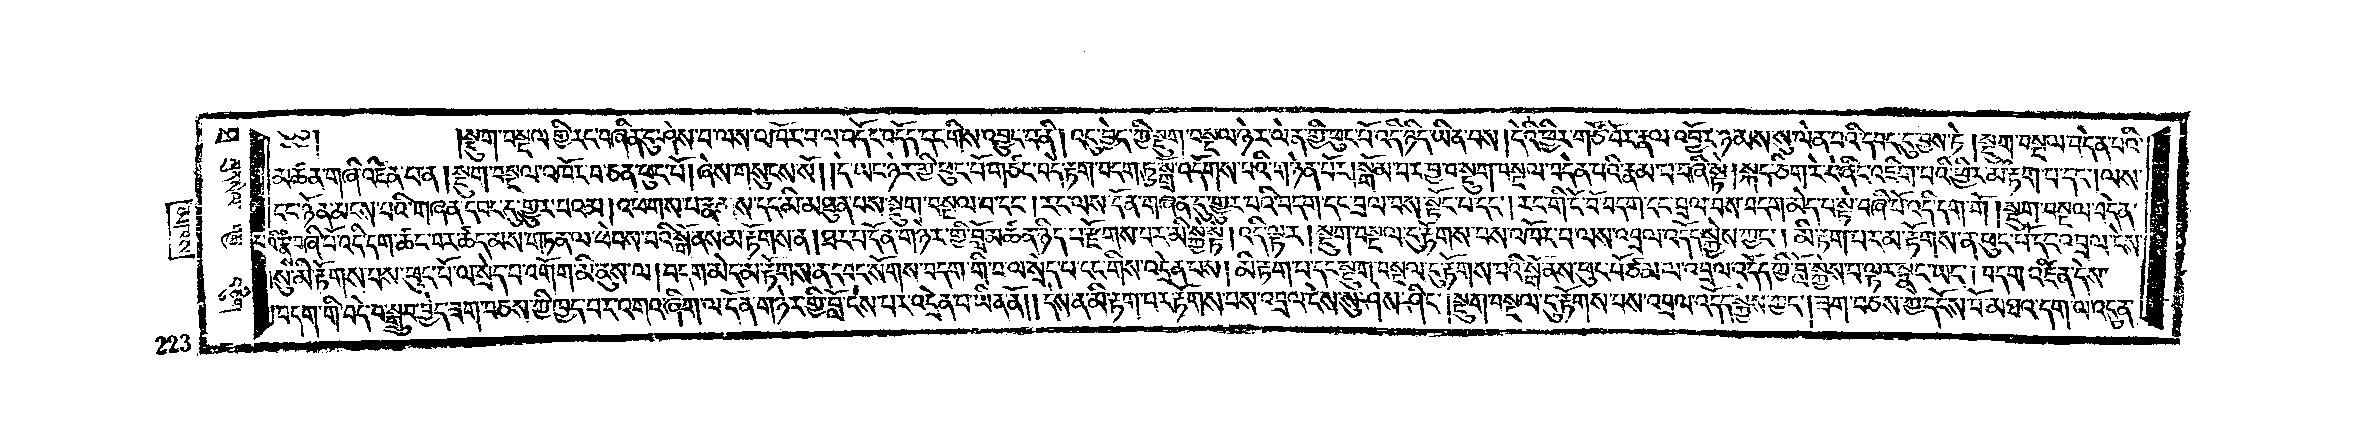༄༅། །སྡུག་བསྔལ་གྱི་རང་བཞིན་དུ་ཤེས་པ་ལས་འཁོར་བ་ལ་འདོར་འདོད་དང་གིས་འབྱུང་བ་ནི། འདུ་བྱེད་ཀྱི་སྡུག་བསྔལ་ཉེར་ལེན་གྱི་ཕུང་པོ་འདི་ཉིད་ཡིན་པས། དེའི་ཕྱིར་གཙོ་བོར་རྣལ་འབྱོར་ཉམས་སུ་ལེན་པའི་དབང་དུ་བྱས་ཏེ། སྡུག་བསྔལ་བདེན་པའི་
མཚན་གཞི་འཛིན་པ་ན། སྡུག་བསྔལ་འཁོར་བ་ཅན་ཕུང་པོ། ཞེས་གསུངས་སོ། །དེ་ཡང་ཉེར་གྱི་ཕུང་པོ་གཙང་བདེ་རྟག་བདག་ཏུ་སྒྲོ་འདོགས་པའི་གཉེན་པོར། སྒོམ་པར་བྱ་བ་སྡུག་བསྔལ་བདེན་པའི་རྣམ་པ་བཞི་སྟེ། སྐད་ཅིག་རེ་རེ་ཞིང་འཇིག་པའི་ཕྱིར་མི་རྟག་པ་དང་། ལས་
དང་ཉོན་མོངས་པའི་གཞན་དབང་དུ་གྱུར་པའམ། འཕགས་པ་རྣམས་དང་མི་མཐུན་པས་སྡུག་བསྔལ་བ་དང་། རང་ལས་དོན་གཞན་དུ་གྱུར་པའི་བདག་དང་བྲལ་བས་སྟོང་པ་དང་། རང་གི་ངོ་བོ་བདག་དང་བྲལ་བས་བདག་མེད་པ་སྟེ་བཞི་པོ་འདི་དག་གོ། །སྡུག་བསྔལ་བདེན་
པའི་རྣམ་བཞི་པོ་འདི་དག་ཚང་བར་ཚད་མས་གཏན་ལ་ཕེབས་པའི་སྒོ་ནས་མ་རྟོགས་ན། ཐར་པ་དོན་གཉེར་གྱི་བློ་མཚན་ཉིད་པ་རྫོགས་པར་མི་སྐྱེ་སྟེ། འདི་ལྟར། སྡུག་བསྔལ་དུ་རྟོགས་པས་འཁོར་བ་ལས་འབྲལ་འདོད་སྐྱེས་ཀྱང་། མི་རྟག་པར་མ་རྟོགས་ན་ཕུང་པོ་དང་འབྲལ་ངེས་
སུ་མི་རྟོགས་པས་ཕུང་པོ་ལ་སྲེད་པ་འགོག་མི་ནུས་ལ། བདག་མེད་མ་རྟོགས་ན་དབང་སོགས་བདག་གི་བ་ལ་སྲེད་པ་དང་གིས་འདྲེན་པས། མི་རྟག་པ་དང་སྡུག་བསྔལ་དུ་རྟོགས་པའི་སྒོ་ནས་ཕུང་པོ་ཙམ་ལ་འབྲེལ་འདོད་ཀྱི་བློ་སྐྱེས་པ་ལྟར་སྣང་ཡང་། བདག་འཛིན་དེས་
བདག་གི་བདེ་བ་སྒྲུབ་བྱེད་ཟག་བཅས་ཀྱི་ཁྱད་པར་འགའ་ཞིག་ལ་དོན་གཉེར་གྱི་བློ་ངེས་པར་འདྲེན་པ་ཡིན་ནོ། །དེས་ན་མི་རྟག་པར་རྟོགས་པས་འབྲལ་ངེས་སུ་ཤེས་ཤིང་། སྡུག་བསྔལ་དུ་རྟོགས་པས་འབྲལ་འདོད་སྐྱེས་ཀྱང་། ཟག་བཅས་ཀྱི་དངོས་པོ་མཐའ་དག་ལ་འདུན་